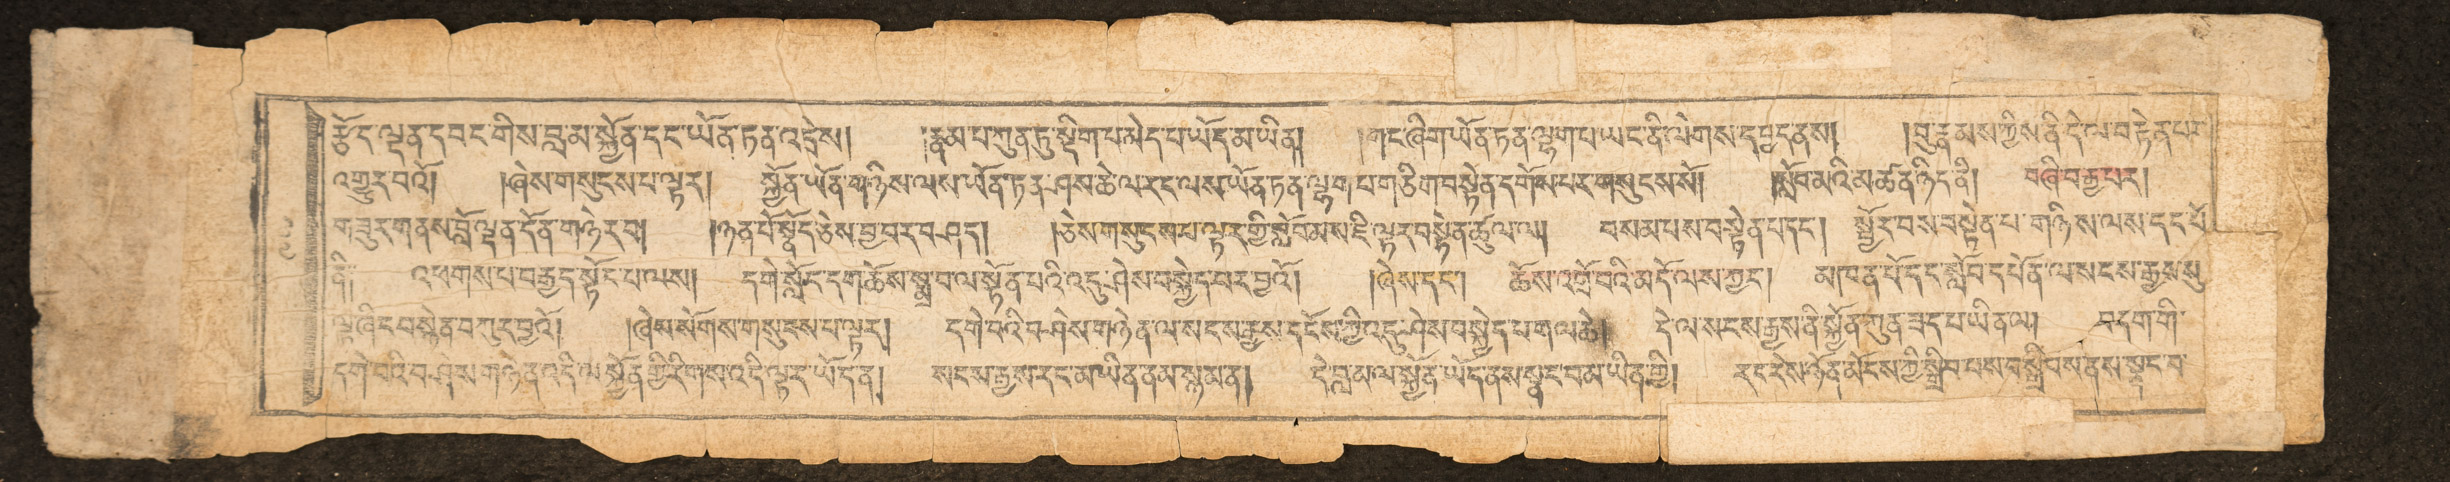རྩོད་ལྡན་དབང་གིས་བླ་མ་སྐྱོན་དང་ཡོན་ཏན་འདྲེས། །རྣམ་པ་ཀུན་ཏུ་སྡིག་པ་མེད་པ་ཡོད་མ་ཡིན། །གང་ཞིག་ཡོན་ཏན་ལྷག་པ་ཡང་ནི་ལེགས་དཔྱད་ནམ། །བུ་རྣམས་ཀྱིས་ནི་དེ་ལ་བརྟེན་པར་
འགྱུར་བའོ། །ཞེས་གསུངས་པ་ལྟར། སྐྱོན་ཡོན་གཉིས་ལས་ཡོན་ཏན་ཤས་ཆེ་ལ་རང་ལས་ཡོན་ཏན་ལྷག་བ?་གཅིག་བསྟེན་དགོས་པར་གསུངས་སོ། །སློབ་མའི་མཚན་ཉིད་ནི། བཞི་བརྒྱ་པར།
གཟུར་གནས་བློ་ལྡན་དོན་གཉེར་བ། །ཉན་པོ་སྣོད་ཅེས་བྱ་བར་བཤད། །ཅེས་གསུངས་པ་ལྟར་གྱི་སློབ་མས་ཇི་ལྟར་བསྟེན་ཚུལ་ལ། བསམ་པས་བསྟེན་པ་དང་། སྦྱོར་བས་བསྟེན་པ་གཉིས་ལས་དང་པོ་
ནི༑ འཕགས་པ་བརྒྱད་སྟོང་པ་ལས། དགེ་སློང་དག་ཆོས་སྨྲ་བ་ལ་སྟོན་པའི་འདུ་ཤེས་བསྐྱེད་པར་བྱའོ། །ཞེས་དང་། ཆོས་འགྲོ་བའི་མདོ་ལས་ཀྱང་། མཁན་པོ་དང་སློབ་དཔོན་ལ་སངས་རྒྱས་སུ་
ལྟ་ཞིང་བསྙེན་བཀུར་བྱའོ། །ཞེས་སོགས་གསུངས་པ་ལྟར། དགེ་བའི་བཤེས་གཉེན་ལ་སངས་རྒྱས་དངོས་ཀྱི་འདུ་ཤེས་བསྐྱེད་པ་གལ་ཆེ། དེ་ལ་སངས་རྒྱས་ནི་སྐྱོན་ཀུན་ཟད་པ་ཡིན་ལ། བདག་གི་
དགེ་བའི་བཤེས་གཉེན་འདི་ལ་སྐྱོན་གྱི་རིགས་འདི་ལྟར་ཡོད་ན། སངས་རྒྱས་རང་མ་ཡིན་ནམ་སྙམ་ན། དེ་བླ་མ་ལ་སྐྱོན་ཡོད་ནས་སྣང་བམ་ཡིན་གྱི། རང་རེས་ཉོན་མོངས་ཀྱི་སྒྲིབ་པས་བསྒྲིབས་ནས་སྣང་བ་